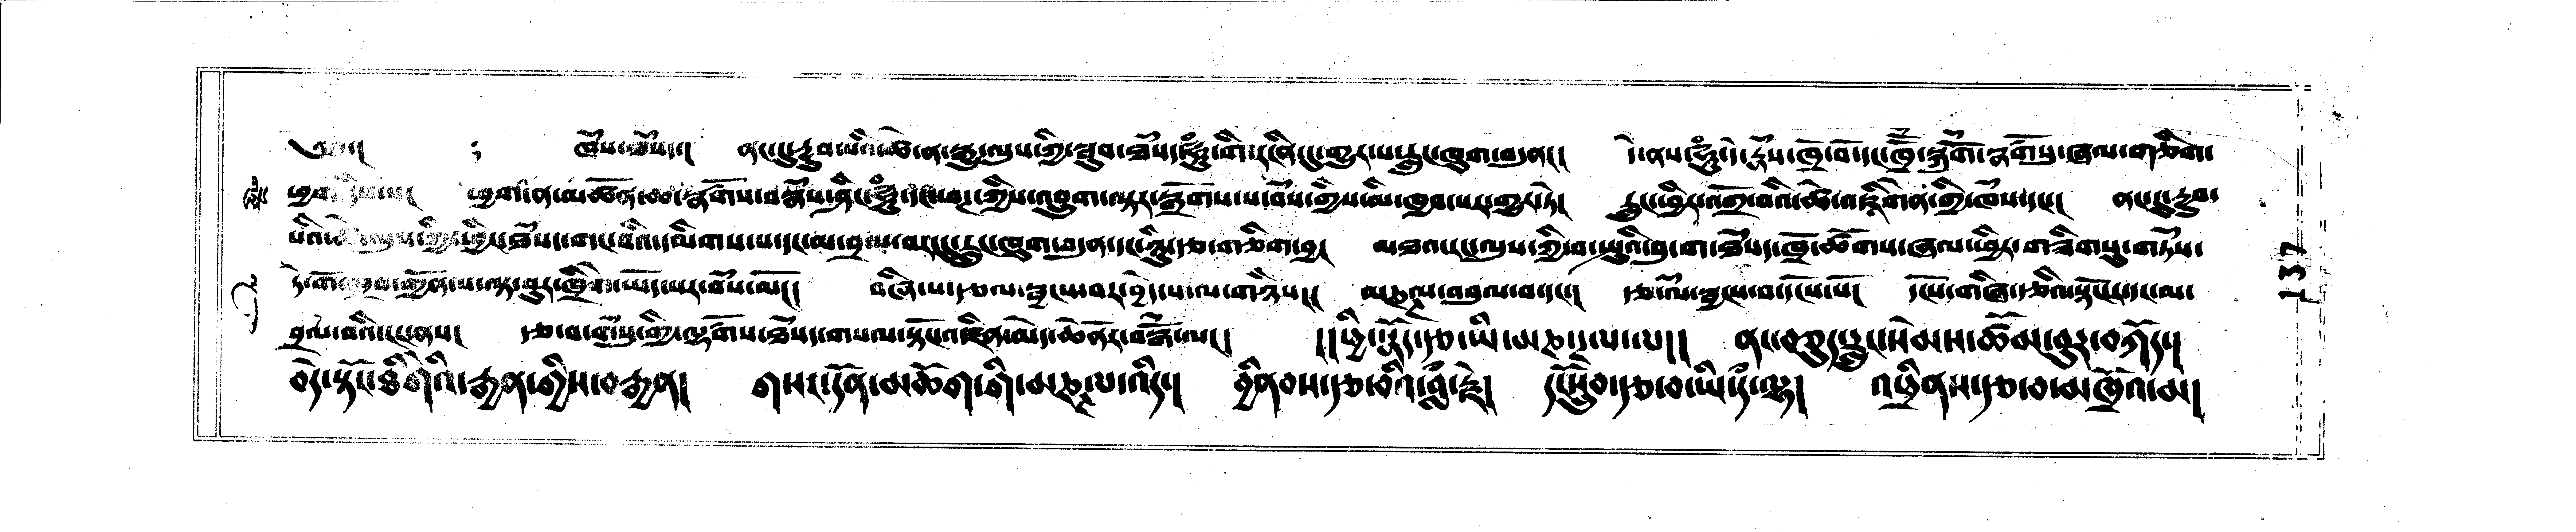ཁམས་ཐམས་ཅད། ནང་དུ་རྔུབ་པའི་ཚེ་ན་སྒྱུ་ལུས་ཀྱི་སྦུབས་ཐམས་ཅད་ཧཱུཾ་གི་རང་བཞིན་དུ་གྱུར་པ་རླུང་ཁུག་བདུན། དེ་ནས་ཧཱུཾ་དེ་རྣམས་ཁྲོ་བོ་དང་ཁྲོ་མོ་སྐུ་མདོག་སྣ་ཚོགས་སུ་ཞལ་གཅིག་
ཕྱག་གཉིས་པ། ཕྱག་ན་མཚོན་ཆ་སྣ་ཚོགས་བསྣམས་ཤིང་། ཧཱུཾ་དང་ཕཊ་ཀྱིས་འབྲུག་ལྟར་སྒྲོགས་པ་བསམ་གྱིས་མི་ཁྱབ་པ་གྱུར་ཏེ། རླུང་ཕྱིར་འགྲོ་བའི་ཚེ་འཇིག་རྟེན་གྱི་ཁམས་དང་། ནང་དུ་རྔུབ་
པའི་ཚེ་ལུས་ཀྱི་ཕྱི་ནང་ཐམས་ཅད་གང་བའི་དམིགས་པ་དང་མ་བྲལ་བར་དུ་རླུང་ཁུག་བདུན་དང་ཉི་ཤུ་རྩ་གཅིག་བྱ། མཐའ་རང་ལུས་ཀྱི་བ་སྤུའི་བུ་ག་ཐམས་ཅད་ཁྲོ་ཚོགས་ཞལ་ཕྱིར་གཟིགས་སུ་གཏམས་
ཏེ་གོ་ཁྲབ་གྱོན་པ་ལྟ་བུར་ཁྲེགས་སེ་ཡོད་པར་བསམ་མོ། །བཞི་པ་རྩལ་སྦྱང་བར་བྱེད་པ་ལ་གཉིས། མཎྜལ་འབུལ་བ་དང་། རྩ་ལམ་སྦྱངས་པ་དངོས་སོ། དངོས་གཞི་རྩ་ཡི་སྟོང་ར་དང་མ་
བྲལ་བའི་ངང་ནས། རྩ་བ་གསུམ་གྱི་ལྷ་ཚོགས་ཐམས་ཅད་གསལ་སྟོང་འཛིན་མེད་ཆེན་པོར་བསྒོམ་ལ། ཕྱི་སྣོད་རྩ་ཡི་མཎྜལ་ལ། །ནང་བཅུད་རླུང་སེམས་ཚོམ་བུར་བཀོད། །
བདེ་སྟོང་ཐིག་ལེའི་རྒྱན་གྱིས་བརྒྱན། །གསང་དོན་མཆོག་གི་མཎྜལ་འདི། །བྱིན་རླབས་རྩ་བའི་བླ་མ་རྗེ། །དངོས་གྲུབ་རྩ་བ་ཡི་དམ་ལྷ། །འཕྲིན་ལས་རྩ་བ་མཁའ་འགྲོ་མ། །